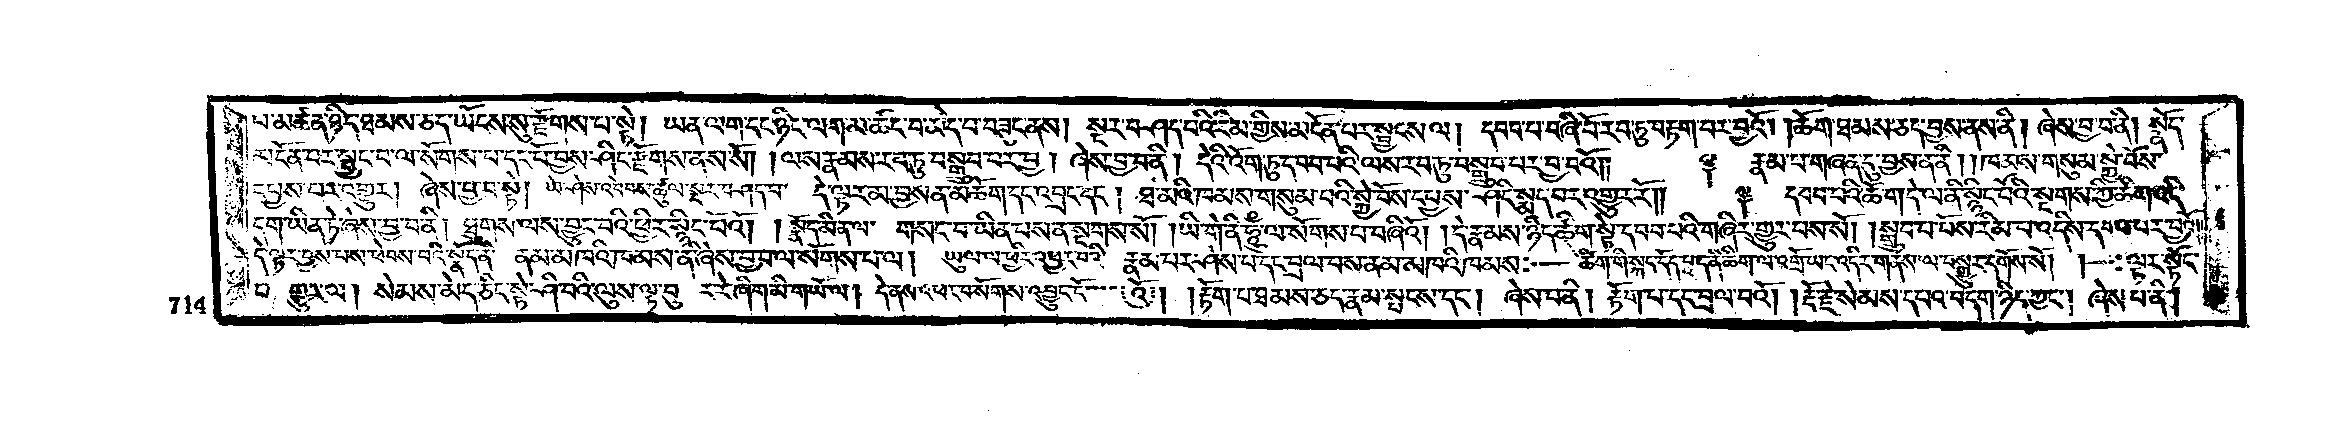པ་མཚན་ཉིད་ཐམས་ཅད་ཡོངས་སུ་རྫོགས་པ་སྟེ། ཡན་ལག་དང་ཉིང་ལག་མ་ཚང་བ་མེད་པ་བཟུང་ནས། སྔར་བཤད་པའི་རིམ་གྱིས་མངོན་པར་སྦྱངས་ལ། དབབ་པ་བཞི་པོ་རབ་ཏུ་བརྟག་པར་བྱའོ། །ཆོ་ག་ཐམས་ཅད་བྱས་ནས་ནི། ཞེས་བྱ་བ་ནི། སྣོད་
མངོན་པར་སྦྱང་བ་ལ་སོགས་པ་དང་པོ་བྱས་ཤིང་རྫོགས་ནས་སོ། །ལས་རྣམས་རབ་ཏུ་བསྒྲུབ་པར་བྱ། ཞེས་བྱ་བ་ནི། དེའི་འོག་ཏུ་དབབ་པའི་ལས་རབ་ཏུ་བསྒྲུབ་པར་བྱ་བའོ།། ༈ རྣམ་པ་གཞན་དུ་བྱས་ན་ནི། །ཁམས་གསུམ་སྐྱེ་བོས་
དཔྱས་པར་འགྱུར། ཞེས་བྱ་བ་སྟེ། ཡེ་ཤེས་འབེབས་ཚུལ་སྔར་བཤད་པ་དེ་ལྟར་མ་བྱས་ན་མཆོག་དང་འབྲིང་དང་། ཐ་མའི་ཁམས་གསུམ་པའི་སྐྱེ་བོས་དཔྱས་ཤིང་སྨད་པར་འགྱུར་རོ།། ༈ དབབ་པའི་ཆོ་ག་དེ་ལ་ནི་སྙིང་པོའི་སྔགས་ཀྱི་ཚིག་འདི་
དག་ཡིན་ཏེ་ཞེས་བྱ་བ་ནི། ཐུགས་ལས་བྱུང་བའི་ཕྱིར་སྙིང་པོའོ། །སྣོད་མིན་ལ་གསང་བ་ཡིན་པས་ན་སྔགས་སོ། །ཡི་གེ་ནི་ཧཱུཾ་ལ་སོགས་པ་བཞིའོ། །དེ་རྣམས་ཉིད་ཚིག་སྟེ་དབབ་པའི་གཞིར་གྱུར་པས་སོ། །སྒྲུབ་པ་པོས་རིམ་པ་འདིས་དབབ་པར་བྱའོ།།
དེ་ལྟར་བྱས་པས་ཕེབས་པའི་སྣོད་ནི་ནམ་མཁའི་ཁམས་ནི་ཞེས་བྱ་བ་ལ་སོགས་པ་ལ། ཡུལ་ལ་ཕྱིར་འཕྱར་བའི་རྣམ་པར་ཤེས་པ་དང་བྲལ་བས་ནམ་མཁའི་ཁམསཿ་ཚིག་གི་སྐད་དོད་པཱ་ད་ནི་ཚིག་ལ་འགྲོ་ཡང་འདིར་གནས་ལ་བསྒྱུར་དགོས་སོ། ། .Hལྟར་སྟོང་
པར་གྱུར་ལ། སེམས་མེད་ཅིང་སྟེ་ཤི་བའི་ལུས་ལྟ་བུར་རེ་ཞིག་མི་གཡོ་ལ། དེ་ནས་འཕར་བ་སོགས་འབྱུང་ངོ་འོ། །རྟོག་པ་ཐམས་ཅད་རྣམ་སྤངས་དང་། ཞེས་པ་ནི། རྟོག་པ་དང་བྲལ་བའོ། །རྡོ་རྗེ་སེམས་དཔའ་བདག་ཉིད་ཀྱང་། ཞེས་པ་ནི།